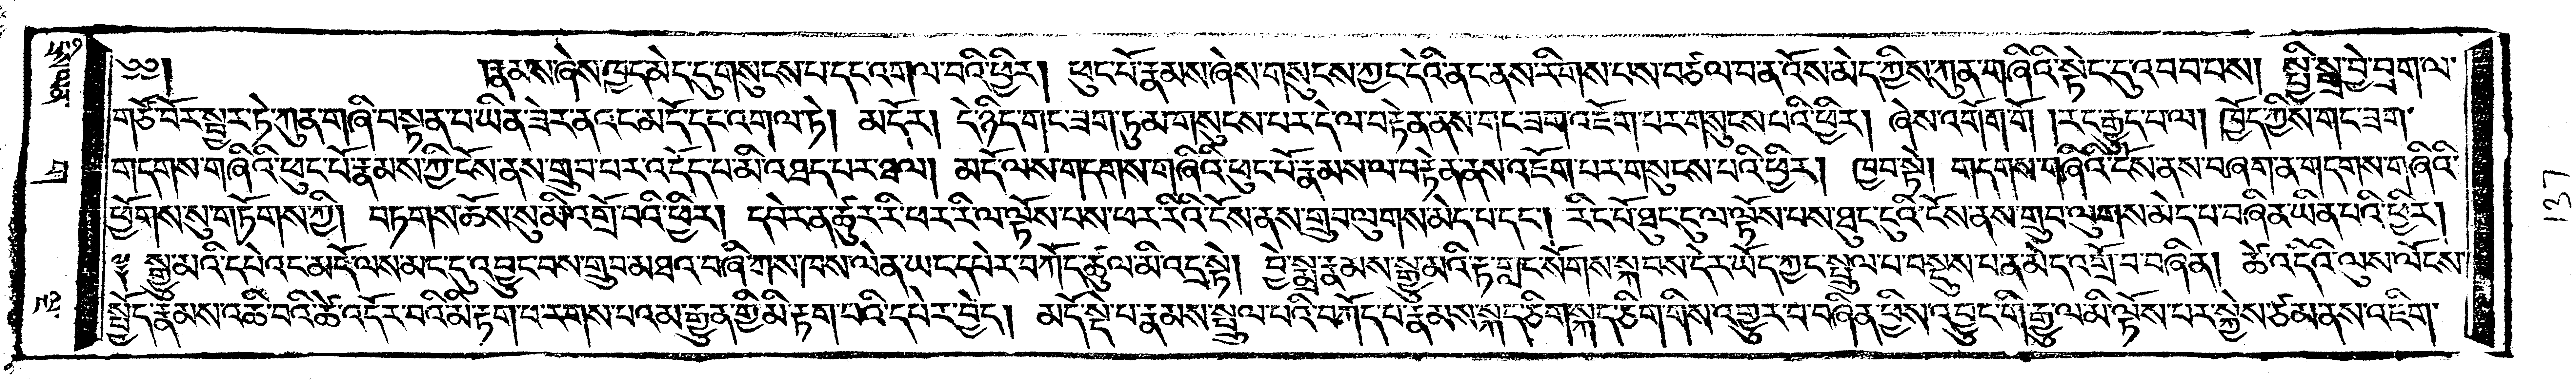༄༅། །རྣམས་ཞེས་ཁྱད་མེད་དུ་གསུངས་པ་དང་འགལ་བའི་ཕྱིར། ཕུང་པོ་རྣམས་ཞེས་གསུངས་ཀྱང་དེའི་ནང་ནས་རིགས་པས་བཙལ་བ་ན་འོས་མེད་ཀྱིས་ཀུན་གཞིའི་སྟེང་དུ་འབབ་པས། སྤྱི་སྒྲ་བྱེ་བྲག་ལ་
གཙོ་བོར་སྦྱར་ཏེ་ཀུན་གཞི་བསྟན་པ་ཡིན་ཟེར་ནའང་མདོ་དང་འགལ་ཏེ། མདོར། དེ་ཉིད་གང་ཟག་ཏུ་མ་གསུངས་པར་དེ་ལ་བརྟེན་ནས་གང་ཟག་འཇོག་པར་གསུངས་པའི་ཕྱིར། ཞེས་འགོག་གོ །རང་རྒྱུད་པ་ལ། ཁྱོད་ཀྱིས་གང་ཟག་
གདགས་གཞིའི་ཕུང་པོ་རྣམས་ཀྱི་ངོས་ནས་གྲུབ་པར་འདོད་པ་མི་འཐད་པར་ཐལ། མདོ་ལས་གདགས་གཞིའི་ཕུང་པོ་རྣམས་ལ་བརྟེན་ནས་འཇོག་པར་གསུངས་པའི་ཕྱིར། ཁྱབ་སྟེ། གདགས་གཞིའི་ངོས་ནས་བཞག་ན་གདགས་གཞིའི་
ཕྱོགས་སུ་གཏོགས་ཀྱི། བཏགས་ཆོས་སུ་མི་འགྲོ་བའི་ཕྱིར། དབེར་ན་ཚུར་རི་ཕར་རིལ་ལྟོས་པས་ཕར་རིའི་ངོས་ནས་གྲུབ་ལུགས་མེད་པ་དང་། རིང་པོ་ཐུང་ངུ་ལ་ལྟོས་པས་ཐུང་ངུའི་ངོས་ནས་གྲུབ་ལུགས་མེད་པ་བཞིན་ཡིན་པའི་ཕྱིར།
༈ སྒྱུ་མའི་དཔེའང་མདོ་ལས་མང་དུ་འབྱུང་བས་གྲུབ་མཐའ་བཞི་གས་ཁས་ལེན་ཡང་དཔེར་བཀོད་ཚུལ་མི་འདྲ་སྟེ། བྱེ་སྨྲ་རྣམས་སྒྱུ་མའི་རྟ་གླང་སོགས་སྐབས་དེར་ཡོད་ཀྱང་སྤྲུལ་པ་བསྡུས་པ་ན་མེད་འགྲོ་བ་བཞིན། ཚེ་འདིའི་ལུས་ལོངས་
སྤྱོད་རྣམས་འཆི་བའི་ཚེ་འདོར་བའི་མི་རྟག་པ་རགས་པའམ་རྒྱུན་གྱི་མི་རྟག་པའི་དཔེར་བྱེད། མདོ་སྡེ་བ་རྣམས་སྤྲུལ་པའི་བཀོད་པ་རྣམས་སྐད་ཅིག་སྐད་ཅིག་གིས་འགྱུར་བ་བཞིན་ཕྱིས་འབྱུང་གི་རྒྱུ་ལ་མི་ལྟོས་པར་སྐྱེས་ཙམ་ནས་འཇིག་